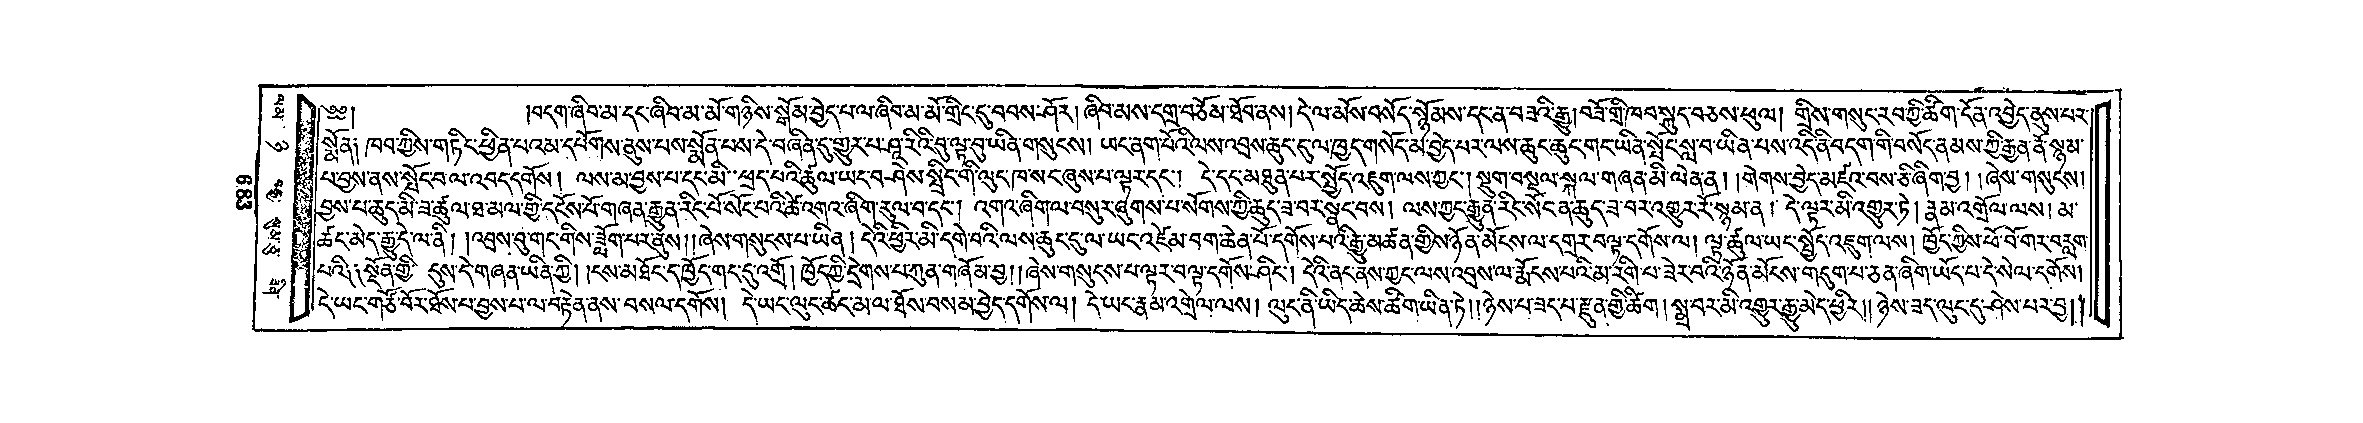༄༅། །བདག་ཞིབ་མ་དང་ཞིབ་མ་མོ་གཉིས་སྒོམ་བྱེད་པ་ལ་ཞིབ་མ་མོ་གྲིང་དུ་བབས་ཤོར། ཞིབ་མས་དགྲ་བཅོམ་ཐོབ་ནས། དེ་ལ་མོས་བསོད་སྙོམས་དང་ན་བཟའི་རྒྱུ། བཟོ་གྲི་ཁབ་སྐུད་བཅས་ཕུལ། གྲིས་གསུང་རབ་ཀྱི་ཚིག་དོན་འབྱེད་ནུས་པར་
སྨོན། ཁབ་ཀྱིས་གཏིང་ཕྱིན་པའམ་དཔོགས་ནུས་པས་སྨོན་པས་དེ་བཞིན་དུ་གྱུར་པ་ཤཱ་རིའི་བུ་ལྟ་བུ་ཡིན་གསུངས། ཡང་ནག་པོའི་ལས་འབྲས་ཆུང་དུ་ལ་ཁྱད་གསོད་མ་བྱེད་པར་ལས་ཆུང་ཆུང་གང་ཡིན་སྤོང་སླ་བ་ཡིན་པས་འདི་ནི་བདག་གི་བསོད་ནམས་ཀྱི་རྒྱན་ནོ་སྙམ་
པ་བྱས་ནས་སྤོང་བ་ལ་འབད་དགོས། ལས་མ་བྱས་པ་དང་མི་ཕྲད་པའི་ཚུལ་ཡང་བཤེས་སྤྲིང་གི་ལུང་ཁ་སང་ཞུས་པ་ལྟར་དང་། དེ་དང་མཐུན་པར་སྤྱོད་འཇུག་ལས་ཀྱང་། སྡུག་བསྔལ་སྐལ་གཞན་མི་ལེན་ན། །གེགས་བྱེད་མཛའ་བས་ཅི་ཞིག་བྱ། །ཞེས་གསུངས།
བྱས་པ་ཆུད་མི་ཟ་ཚུལ་ཐ་མལ་གྱི་དངོས་པོ་གཞན་རྒྱུན་རིང་པོ་སོང་པའི་ཚེ་འགའ་ཞིག་རུལ་བ་དང་། འགའ་ཞིག་ལ་བསུར་ཞུགས་པ་སོགས་ཀྱི་ཆུད་ཟ་བར་སྣང་བས། ལས་ཀྱང་རྒྱུན་རིང་སོང་ན་ཆུད་ཟ་བར་འགྱུར་རོ་སྙམ་ན། དེ་ལྟར་མི་འགྱུར་ཏེ། རྣམ་འགྲོལ་ལས། མ་
ཚང་མེད་རྒྱུ་དེ་ལ་ནི། །འབྲས་བུ་གང་གིས་ཟློག་པར་ནུས། །ཞེས་གསུངས་པ་ཡིན། དེའི་ཕྱིར་མི་དགེ་བའི་ལས་ཆུང་དུ་ལ་ཡང་འཛེམ་བག་ཆེན་པོ་དགོས་པའི་རྒྱུ་མཚན་གྱིས་ཉོན་མོངས་ལ་དགྲར་བལྟ་དགོས་ལ། ལྟ་ཚུལ་ཡང་སྤྱོད་འཇུག་ལས། ཁྱོད་ཀྱིས་ཕོ་བོ་གར་བརླག་
པའི། སྔོན་གྱི་དུས་དེ་གཞན་ཡིན་ཀྱི། །ངས་མཐོང་ད་ཁྱོད་གང་དུ་འགྲོ་།ཁྱོད་ཀྱི་དྲེགས་པ་ཀུན་གཞོམ་བྱ། །ཞེས་གསུངས་པ་ལྟར་བ་ལྟ་དགོས་ཤིང་། དེའི་ནང་ནས་ཀྱང་ལས་འབྲས་ལ་རྨོངས་པའི་མ་རིག་པ་ཟེར་བའི་ཉོན་མོངས་གདུག་པ་ཅན་ཞིག་ཡོད་པ་དེ་སེལ་དགོས།
དེ་ཡང་གཙོ་བོར་ཐོས་པ་བྱས་པ་ལ་བརྟེན་ནས་བསལ་དགོས། དེ་ཡང་ལུང་ཚང་མ་ལ་ཐོས་བསམ་བྱེད་དགོས་ལ། དེ་ཡང་རྣམ་འགྲེལ་ལས། ལུང་ནི་ཡིད་ཆེས་ཚིག་ཡིན་ཏེ། །ཉེས་པ་ཟད་པ་རྫུན་གྱི་ཚིག །སྨྲ་བར་མི་འགྱུར་རྒྱུ་མེད་ཕྱིར། །ཉེས་ཟད་ལུང་དུ་ཤེས་པར་བྱ། །